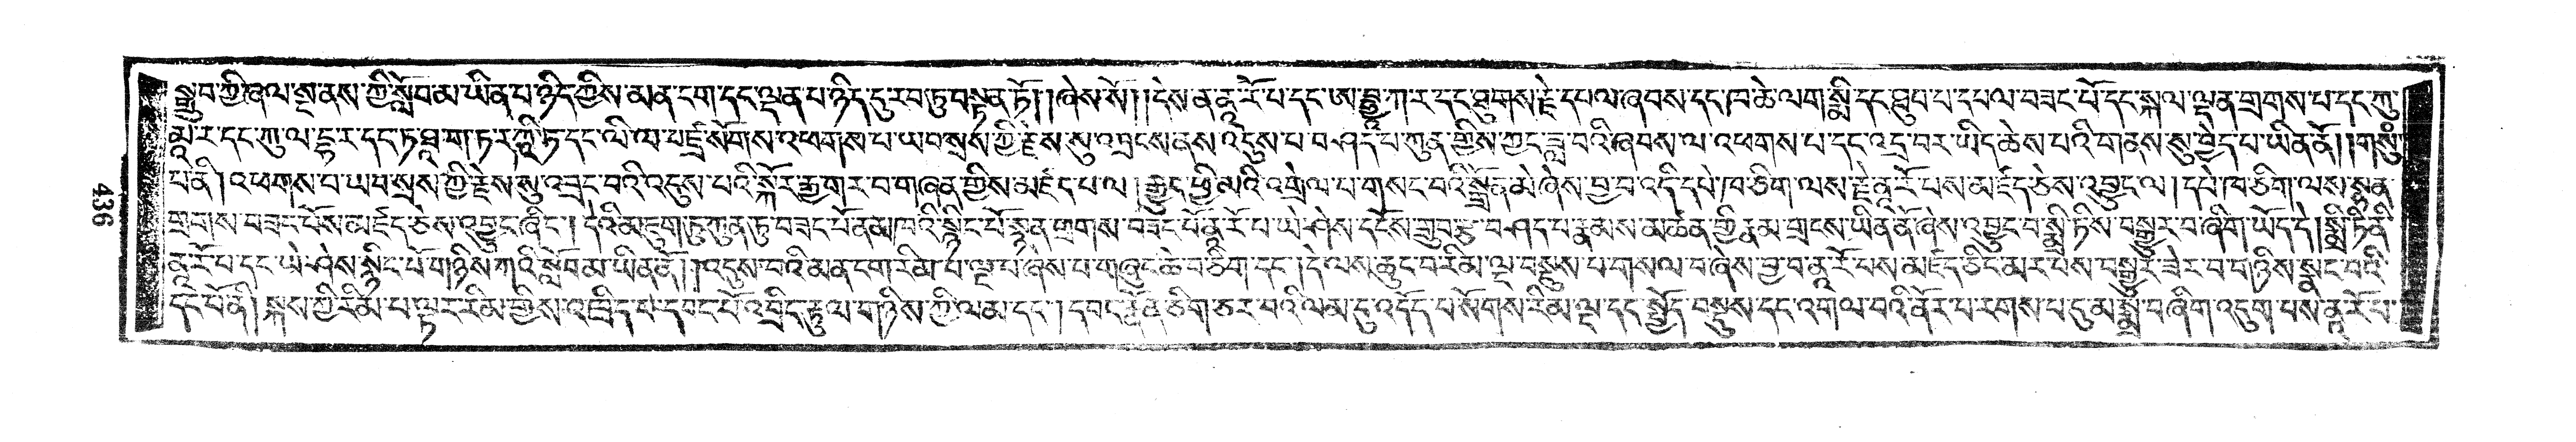སྒྲུབ་ཀྱི་ཞལ་སྔ་ནས་ཀྱི་སློབ་མ་ཡིན་པ་ཉིད་ཀྱིས་མན་ངག་དང་ལྡན་པ་ཉིད་དུ་རབ་ཏུ་བསྟན་ཏོ། །ཞེས་སོ། །དེས་ན་ནཱ་རོ་པ་དང་ཨ་བྷྱཱ་ཀ་ར་དང་ཐུགས་རྗེ་དཔལ་ཞབས་དང་ཁ་ཆེ་ལག་སྨི་དང་ཐུབ་པ་དཔལ་བཟང་པོ་དང་སྐལ་ལྡན་གྲགས་པ་དང་ཀུ་
མཱ་ར་དར་ཀུ་ལ་དྷ་ར་དང་ཏ་ཐཱ་ག་ཏ་རཀྵི་ཏ་དང་ལི་ལ་བཛྲ་སོགས་འཕགས་པ་ཡབ་སྲས་ཀྱི་རྗེས་སུ་འབྲངས་ནས་འདུས་པ་བཤད་པ་ཀུན་གྱིས་ཀྱང་ཟླ་བའི་ཞབས་ལ་འཕགས་པ་དང་འདྲ་བར་ཡིད་ཆེས་པའི་གནས་སུ་བྱེད་པ་ཡིན་ནོ། །གསུམ་
པ་ནི། འཕགས་པ་ཡབ་སྲས་ཀྱི་རྗེས་སུ་འབྲང་བའི་འདུས་པའི་སྐོར་རྒྱ་གར་བ་གཞན་གྱིས་མཛད་པ་ལ། རྒྱུད་ཕྱི་མའི་འགྲེལ་པ་གསང་བའི་སྒྲོན་མེ་ཞེས་བྱ་བ་འདི་དཔེ་ཁ་ཅིག་ལས་རྗེ་ནཱ་རོ་པས་མཛད་ཅེས་འབྱུང་ལ། དཔེ་ཁ་ཅིག་ལས་སྙན་
གྲགས་བཟང་པོས་མཛད་ཅེས་འབྱུང་ཞིང་། དེའི་མཇུག་ཏུ་ཀུན་ཏུ་བཟང་པོ་ནམ་མཁའི་སྙིང་པོ་སྙན་གྲགས་བཟང་པོ་ནཱ་རོ་པ་ཡེ་ཤེས་དངོས་གྲུབ་རྩ་བཤད་པ་རྣམས་མཚན་གྱི་རྣམ་གྲངས་ཡིན་ནོ་ཞེས་འབྱུང་བ་སྨྲི་ཏིས་བསྒྱུར་བ་ཞིག་ཡོད་དེ། སྨྲི་ཏི་ནི་
ནཱ་རོ་པ་དང་ཡེ་ཤེས་སྙིང་པོ་གཉིས་ཀའི་སློབ་མ་ཡིན་ནོ། །འདུས་པའི་མན་ངག་རིམ་པ་ལྔ་པ་ཞེས་པ་གཞུང་ཆེ་བ་ཅིག་དང་། དེ་ལས་ཆུང་བ་རིམ་ལྔ་བསྡུས་པ་གསལ་བ་ཞེས་བྱ་བ་ནཱ་རོ་པས་མཛད་ཅིང་མར་པོས་བསྒྱུར་ཟེར་བ་གཉིས་སྣང་བའི་
དང་པོ་ནི། སྐས་ཀྱི་རིམ་པ་ལྟར་རིམ་གྱིས་འཁྲིད་པ་དབང་པོ་འབྲིང་རྟུལ་གཉིས་ཀྱི་ལམ་དང་། དབང་རྣོན་ཅིག་ཅར་བའི་ལམ་དུ་འདོད་པ་སོགས་རིམ་ལྔ་དང་སྤྱོད་བསྡུས་དང་འགལ་བའི་ནོར་པ་རགས་པ་དུ་མ་སྨྲ་བ་ཞིག་འདུག་པས་ནཱ་རོ་པ་